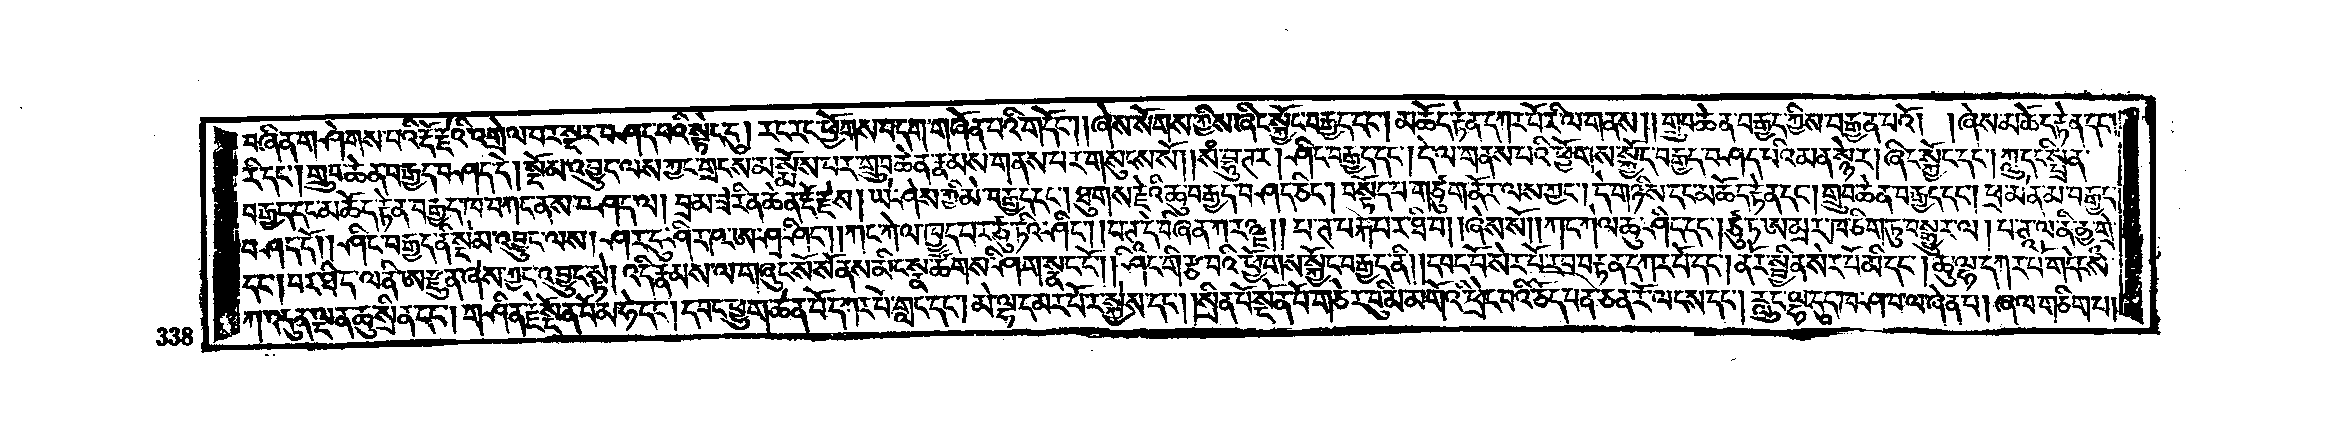བཞིན་གཤེགས་པའི་རྡོ་རྗེའི་འགྲེལ་པར་སྔར་བཤད་པའི་སྟེང་དུ། རང་རང་ཕྱོགས་བདག་གཞོན་པའི་གདོང་། །ཞེས་སོགས་ཀྱིས་ཞིང་སྐྱོང་བརྒྱད་དང་། མཆོད་རྟེན་དཀར་པོ་རི་ལ་གནས། །གྲུབ་ཆེན་བརྒྱད་ཀྱིས་བརྒྱན་པའོ། །ཞེས་མཆོད་རྟེན་དང་།
རི་དང་། གྲུབ་ཆེན་བརྒྱད་བཤད་དེ། སྡོམ་འབྱུང་ལས་ཀྱང་གྲངས་མ་སྨོས་པར་གྲུབ་ཆེན་རྣམས་གནས་པར་གསུངས་སོ། །སཾ་བྷུ་ཊར། ཤིང་བརྒྱད་དང་། དེ་ལ་གནས་པའི་ཕྱོགས་སྐྱོད་བརྒྱད་བཤད་པའི་མན་སྙེར། ཞིང་སྐྱོང་དང་། ཀླུ་དང་སྤྲིན་
བརྒྱད་དང་མཆོད་རྟེན་བརྒྱད་ཁ་བཀང་ནས་བཤད་ལ། བྲམ་ཟེ་རིན་ཆེན་རྡོ་རྗེས། ཡེ་ཤེས་ཀྱི་མེ་བརྒྱད་དང་། ཐུགས་རྗེའི་ཆུ་བརྒྱད་བཤད་ཅིང་། བསྟོང་པ་གཙུག་ནོར་ལས་ཀྱང་། དེ་གཉིས་དང་མཆོད་རྟེན་དང་། གྲུབ་ཆེན་བརྒྱད་དང་། ཕྲ་མེན་མ་བརྒྱད་
བཤད་དོ། །ཤིང་བརྒྱད་ནི་སྡོམ་འབྱུང་ལས། ཤར་དུ་ཤིར་ཥ་ཨ་ཤྲ་ཤིང་། །ཀང་ཀེལ་ཁྱད་པར་ཙུ་ཏའི་ཤིང་། །པ་ཊཱ་དེ་བཞིན་ཀ་རཉྫ། །པ་ཊ་པ་རྐ་པར་ཐི་བ། ཞེས་སོ། །ཀང་ཀེལ་ཆུ་ཤིང་དང་། ཙུ་ཏ་ཨ་མྲར་ཁ་ཅིག་ཏུ་བསྒྱུར་ལ། པ་ཊཱ་ལ་ནི་ནྱ་གྲེ་
དང་། པར་ཐི་ད་ལ་ནི་ཨརྫུ་ན་ཞེས་ཀྱང་འབྱུང་སྟེ། འདི་རྣམས་ལ་གཞུང་སོ་སོ་ནས་མིང་སྣ་ཚོགས་ཤིག་སྣང་ངོ། །ཤིང་གི་རྩ་བའི་ཕྱོགས་སྐྱོང་བརྒྱད་ནི། །དབང་པོ་སེར་པོ་རབ་བརྟན་དཀར་པོ་དང་། ནོར་སྦྱིན་སེར་པོ་མི་དང་། ཆུ་ལྷ་དཀར་པོ་གདེངས་
ཀ་འདུན་ལྡན་ཆུ་སྲིན་དང་། གཤིན་རྗེ་སྔོན་པོ་མ་ཧེ་དང་། དབང་ཕྱུག་ཆེན་པོ་དཀར་པོ་གླང་དང་། མེ་ལྷ་དམར་པོ་ར་སྐྱེས་དང་། །སྲིན་པོ་སྔོན་པོ་གཅེར་བུ་མི་མགོའི་ཕྲེང་བའི་ཅོད་པན་ཅན་རོ་ལངས་དང་། རླུང་ལྷ་དུད་ཁ་ཤ་བ་ལ་ཞེན་པ། ཞལ་གཅིག་པ།